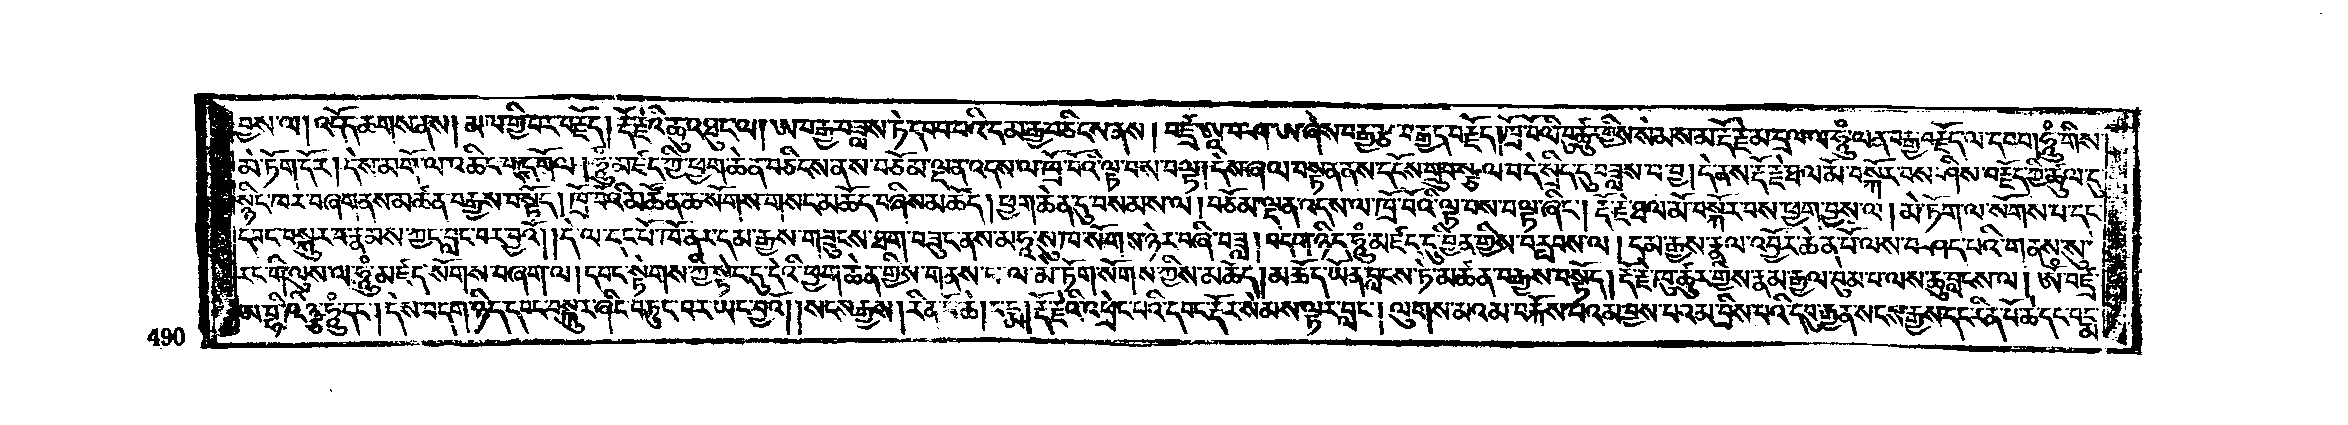བྱས་ལ། འདོད་ཆགས་ནས། མལ་གྱི་བར་བརྗོད། རྡོ་རྗེའི་ཆུ་འཐུང་ལ། ཨ་བརྒྱ་བཟླས་ཏེ་དབབ་པའི་དམ་རྒྱ་བཅིངས་ནས། བཛྲ་ཨཱ་བ་ཤ་ཨ་ཞེས་བརྒྱ་རྩ་བརྒྱད་བརྗོད། ཁྲོ་བོའི་ཁུ་ཚུར་གྱིས་སེམས་མ་རྡོ་རྗེ་མ་དྲལ་ལ་ཧཱུཾ་ལན་བརྒྱ་བརྗོད་ལ་དབབ། ཧཱུཾ་གིས་
མེ་ཏོག་དོར། དེས་མགོ་ལ་འཆིང་པ་དང་དགོལ། ཧཱུཾ་མཛད་ཀྱི་ཕྱག་ཆེན་བཅིངས་ནས་བཅོམ་ལྡན་འདས་ལ་ཁྲོ་བོའི་ལྟ་བས་བལྟ། དེས་ཞལ་བསྟན་ནས་དངོས་གྲུབ་སྩལ་བ་དེ་སྲིད་དུ་བཟླས་པ་བྱ། དེ་ནས་རྡོ་རྗེ་ཐལ་མོ་བསྐོར་བས་ཤིས་བརྗོད་ཀྱི་ཚུལ་དུ་
སྙིང་ཁར་བཞག་ནས་མཚན་བརྒྱས་བསྟོད། ཁྲོ་བོའི་མཚོན་ཆ་སོགས་གསང་མཆོད་བཞིས་མཆོད། ཕྱག་ཆེན་དུ་བསམས་ལ། བཅོམ་ལྡན་འདས་ལ་ཁྲོ་བོའི་ལྟ་བས་བལྟ་ཞིང་། རྡོ་རྗེ་ཐལ་མོ་བསྐོར་བས་ཕྱག་བྱས་ལ། མེ་ཏོག་ལ་སོགས་པ་དང་
དབང་བསྐུར་བ་རྣམས་ཀྱང་བླང་བར་བྱའོ། །དེ་ལ་དང་པོ་ཁོ་ནར་དམ་རྒྱས་གཟུངས་ཐག་བཟུང་ནས་མཧཱ་སུ་ཁ་སོགས་ཉེར་བཞི་བཟླ། བདག་ཉིད་ཧཱུཾ་མཛད་དུ་བྱིན་གྱིས་བརླབས་ལ། དམ་རྒྱས་རྣལ་འབྱོར་ཆེན་པོ་ལས་བཤད་པའི་གནས་སུ་
རང་གི་ལུས་ལ་ཧཱུཾ་མཛད་སོགས་བཞག་ལ། དབང་སྟེགས་ཀྱི་སྟེང་དུ་དེའི་ཕྱག་ཆེན་གྱིས་གནས་པ་ལ་མེ་ཏོག་སོགས་ཀྱིས་མཆོད། མཆོད་ཡོན་བླངས་ཏེ་མཚན་བརྒྱས་བསྟོད། རྡོ་རྗེ་ཁུ་ཚུར་གྱིས་རྣམ་རྒྱལ་བུམ་པ་ལས་ཆུ་བླངས་ལ། ཨོཾ་བཛྲ་
ཨ་བྷི་ཥིཉྩ་ཧཱུཾ་དང་། དེས་བདག་ཉིད་དབང་བསྐུར་ཞིང་བཏུང་བར་ཡང་བྱའོ། །སངས་རྒྱས། རིན་པོ་ཆེ། པདམ། རྡོ་རྗེའི་འཕྲེང་པའི་དབང་རྡོར་སེམས་ལྟར་བླང་། ལུགས་མའམ་བརྐོས་པའམ་བྱས་བྲིས་པའི་དབུ་རྒྱན་སངས་རྒྱས་དང་རིན་པོ་ཆེ་དང་པདམ་